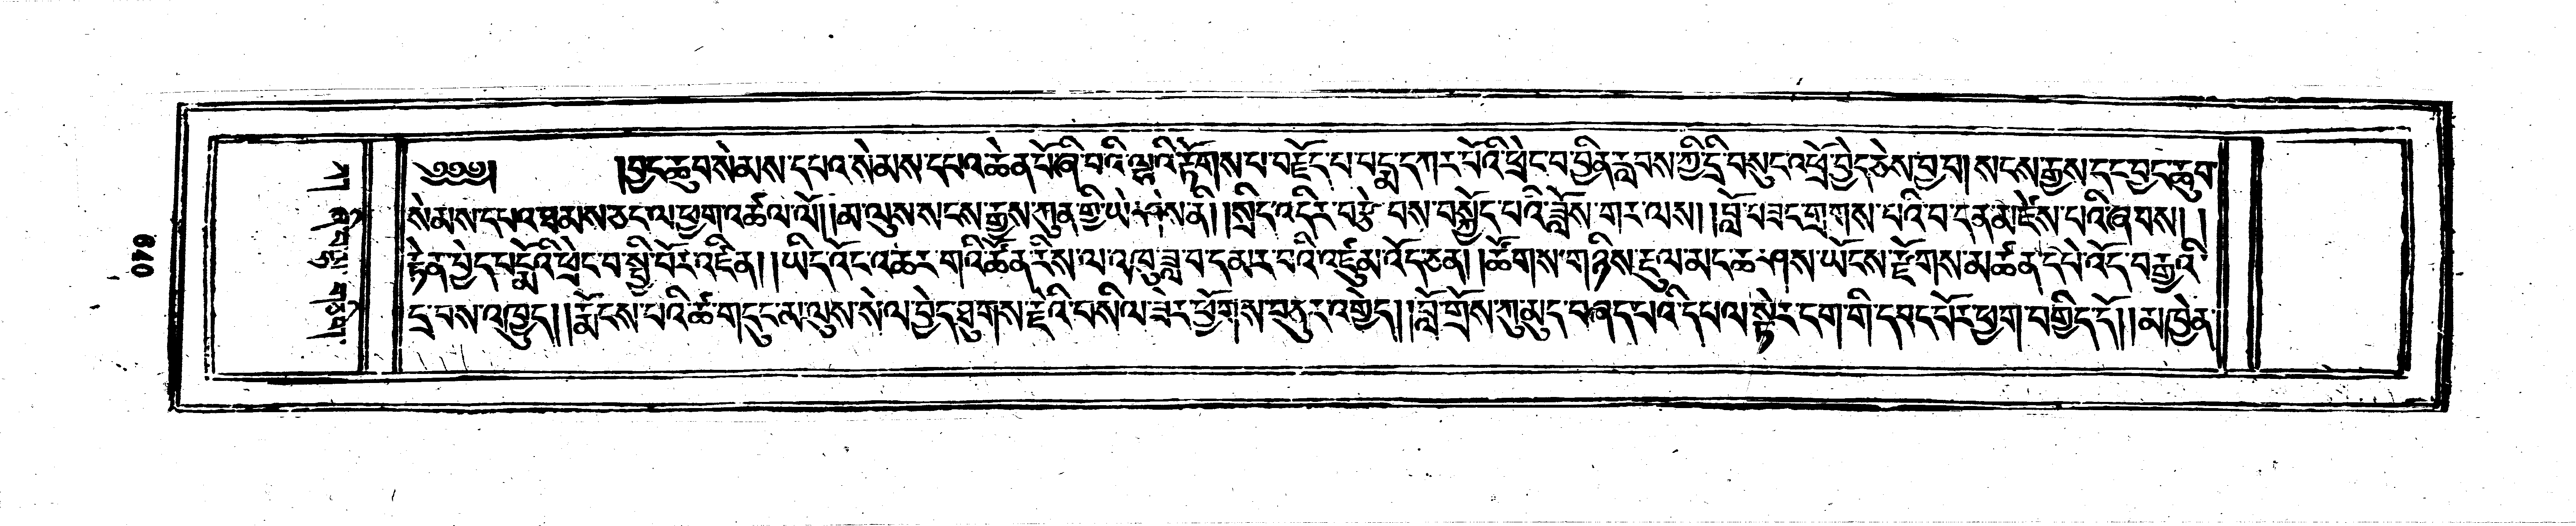༄༅༅། །བྱང་ཆུབ་སེམས་དཔའ་སེམས་དཔའ་ཆེན་པོ་ཞི་བའི་ལྷའི་རྟོགས་པ་བརྗོད་པ་པདམ་དཀར་པོའི་ཕྲེང་བ་བྱིན་རླབས་ཀྱི་དྲི་བསུང་འཕྲོ་བྱེད་ཅེས་བྱ་བ། སངས་རྒྱས་དང་བྱང་ཆུབ་
སེམས་དཔའ་ཐམས་ཅད་ལ་ཕྱག་འཚལ་ལོ། །མ་ལུས་སངས་རྒྱས་ཀུན་གྱི་ཡེ་ཤེས་ནི། །སྲིད་འདིར་བརྩེ་བས་བསྐྱོད་པའི་ཟློས་གར་ལས། །བློ་བཟང་གྲགས་པའི་བ་དན་མཛེས་པའི་ཞབས། །
རྟེན་བྱེད་པདམོའི་ཕྲེང་བ་སྤྱི་བོར་འཛིན། །ཡིད་འོང་འཆར་བའི་ཚོན་རིས་ལ་འཁུ་ཟླ་བ་དམར་བའི་འཛུམ་འོད་ཅན། །ཚོགས་གཉིས་རྡུལ་མང་ཆ་ཤས་ཡོངས་རྫོགས་མཚན་དཔེ་འོད་བརྒྱའི་
དྲ་བས་འཁྱུད། །རྨོངས་པའི་ཚ་གདུང་མ་ལུས་སེལ་བྱེད་ཐུགས་རྗེའི་བསིལ་ཟེར་ཕྱོགས་བཅུར་འགྱེད། །བློ་གྲོས་ཀུ་མུད་བཞད་པའི་དཔལ་སྟེར་ངག་གི་དབང་པོར་ཕྱག་བགྱིད་དོ། །མཁྱེན་